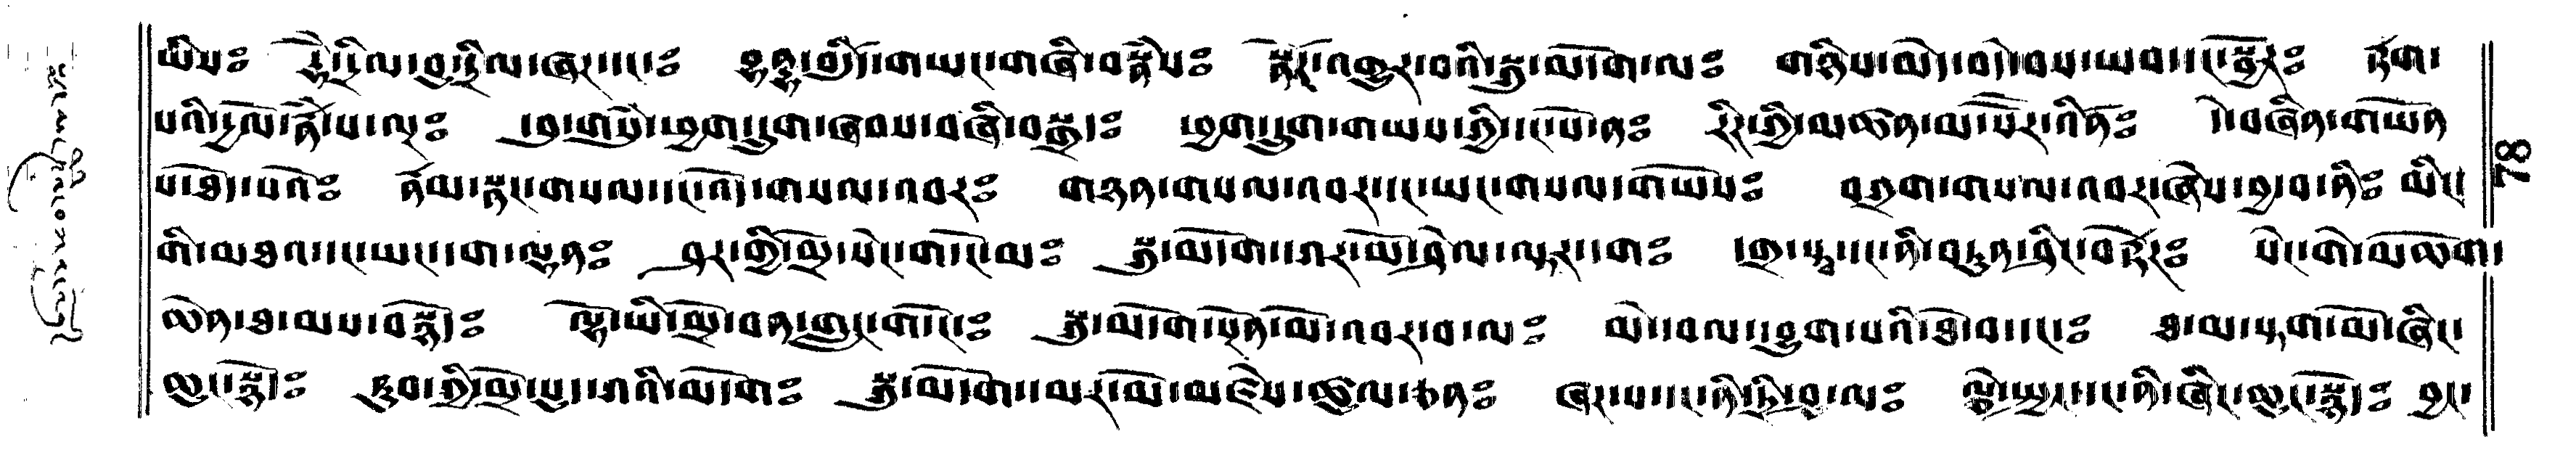ཡིསཿ རྡོ་རྗེ་དྲིལ་བུ་སྦྲུལ་ཞགས་དང་ཿ བྷནྡྷ་བདུད་རྩི་གཡང་གཞི་བསྣམསཿ སྣ་ཚོགས་འཛིན་འགྱུར་བའི་སྐུ་མདོག་ལཿ གཉིས་མེད་བདེ་བས་ཡབ་དང་སྦྱོརཿ རྟག་
པའི་རྒྱལ་མོ་རྣམ་པ་ལྔཿ དབུ་གསུམ་ཕྱག་དྲུག་ཞབས་བཞི་བསྒྲདཿ ཕྱག་དྲུག་གཡས་ཀྱི་དང་པོ་ནཿ རིགས་ཀྱི་མཚན་མ་སོ་སོར་འཛིནཿ དེ་བཞིན་གཡོན་
པ་ཐོད་པའོཿ རྣམ་སྣང་གསལ་དང་འོད་གསལ་འབརཿ གཉན་གསལ་འབར་དང་ཡང་གསལ་གཡོསཿ བཀྲག་གསལ་འབར་ཞེས་བྱ་བ་ནིཿ མིང་
གི་མཐའ་དང་ཡང་དག་ལྡནཿ ཤར་གྱི་མཁའ་འགྲོ་སེང་གདོང་མཿ སྐུ་མདོག་དཀར་མོ་ཤེལ་ལྟར་དགཿ དགྲ་སྟྭ་དང་ནི་བཏུན་ཤིང་བཏེགས་ཿ སེང་གེ་མཆོག་
ཆེན་ཐ་མས་སྙོདཿ ལྷོ་ཡི་མཁའ་འགྲོ་བ་གླང་གདོང་ཿ སྐུ་མདོག་སྔོན་མོ་འབར་བ་ལཿ མེ་དབལ་དབྱུག་པའི་ཐོ་བ་དང་ཿ ཐ་མ་སྟག་མོ་ཞིང་
ཆུང་སྙོདཿ ནུབ་ཀྱི་མཁའ་འགྲོ་པུད་ཀའི་མདོགཿ སྐུ་མདོག་དམར་མོ་མཛེས་ཚུལ་ཅནཿཞགས་པ་དང་ནི་ཏྲི་ཤུ་ལཿ ལྕེ་སྤྱང་དང་ནི་ཞིང་ཆུང་སྙོདཿ བྱང་